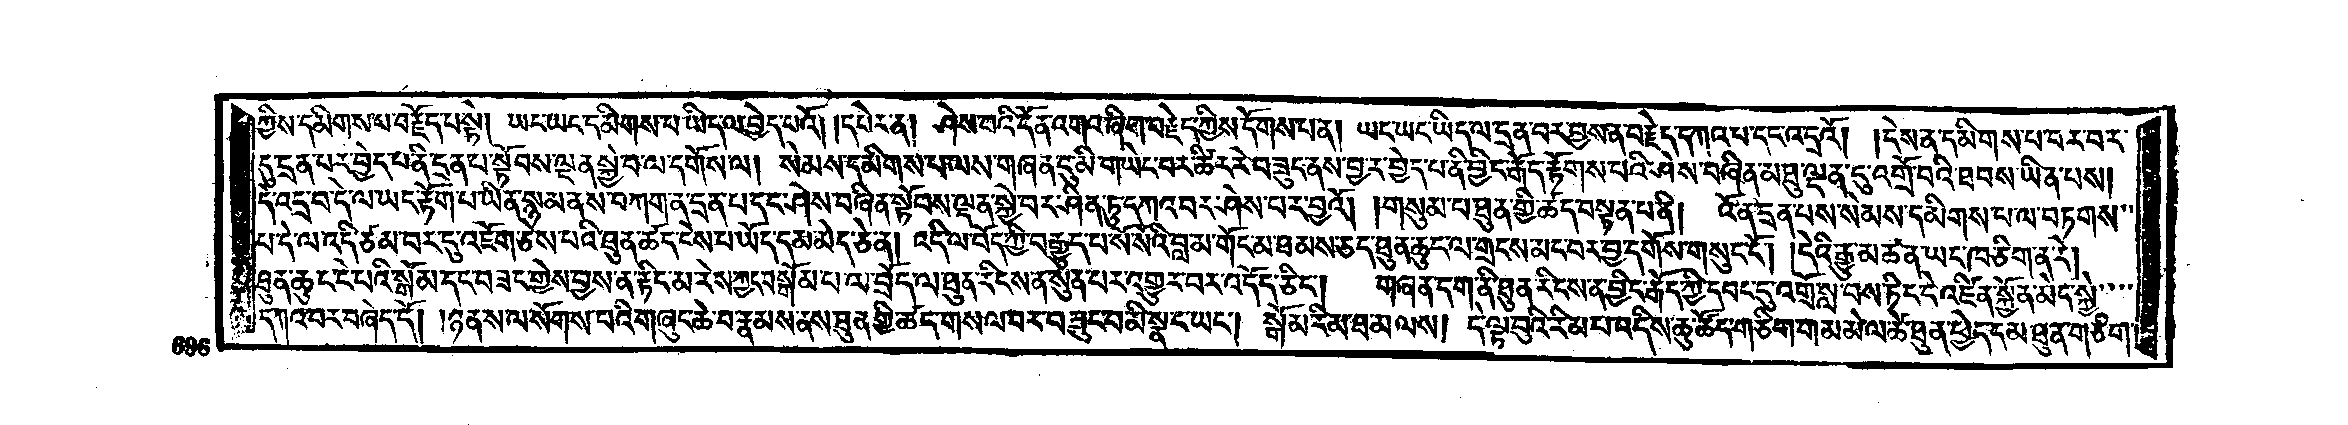ཀྱིས་དམིགས་པ་བརྗོད་པ་སྟེ། ཡང་ཡང་དམིགས་པ་ཡིད་ལ་བྱེད་པའོ། །དཔེར་ན། ཤེས་པའི་དོན་འགའ་ཞིག་བརྗེད་ཀྱིས་དོགས་པ་ན། ཡང་ཡང་ཡིད་ལ་དྲན་པར་བྱས་ན་བརྗེད་དཀའ་བ་དང་འདྲའོ། །དེས་ན་དམིགས་པ་བར་བར་
དུ་དྲན་པར་བྱེད་པ་ནི་དྲན་པ་སྟོབས་ལྡན་སྐྱེ་བ་ལ་དགོས་ལ། སེམས་དམིགས་པ་ལས་གཞན་དུ་མི་གཡེང་བར་ཚིར་རེ་བཟུང་ནས་བྱ་ར་བྱེད་པ་ནི་བྱིང་རྒོད་རྟོགས་པའི་ཤེས་བཞིན་མཐུ་ལྡན་དུ་འགྲོ་བའི་ཐབས་ཡིན་པས།
དེ་འདྲ་བ་དེ་ལ་ཡང་རྟོག་པ་ཡིན་སྙམ་ནས་བཀག་ན་དྲན་པ་དང་ཤེས་བཞིན་སྟོབས་ལྡན་སྐྱེ་བར་ཤིན་ཏུ་དཀའ་བར་ཤེས་པར་བྱའོ། །གསུམ་པ་ཐུན་གྱི་ཚད་བསྟན་པ་ནི། འོ་ན་དྲན་པས་སེམས་དམིགས་པ་ལ་བཏགས་
པ་དེ་ལ་འདི་ཙམ་བར་དུ་འཇོག་ཅེས་པའི་ཐུན་ཚད་ངེས་པ་ཡོད་དམ་མེད་ཅེ་ན། འདི་ལ་བོད་ཀྱི་བརྒྱུད་པ་སོ་སོའི་བླ་མ་གོང་མ་ཐམས་ཅད་ཐུན་ཆུང་ལ་གྲངས་མང་བར་བྱ་དགོས་གསུང་ངོ། །དེའི་རྒྱུ་མཚན་ཡང་ཁ་ཅིག་ན་རེ།
ཐུན་ཆུང་ངེ་བའི་སྒོམ་དང་བཟང་གྱེས་བྱས་ན་རྟིང་མ་རེས་ཀྱང་བསྒོམ་པ་ལ་བྲོད་ལ་ཐུན་རིངས་ན་སུན་པར་འགྱུར་བར་འདོད་ཅིང་། གཞན་དག་ནི་ཐུན་རིངས་ན་བྱིང་རྒོད་ཀྱི་དབང་དུ་འགྲོ་སླ་བས་ཏིང་ངེ་འཛིན་སྐྱོན་མེད་སྐྱེ་
དཀའ་བར་བཞེད་དོ། །ཉན་ས་ལ་སོགས་པའི་གཞུང་ཆེ་བ་རྣམས་ནས་ཐུན་གྱི་ཚད་གསལ་བར་བཟུང་བ་མི་སྣང་ཡང་། སྒོམ་རིམ་ཐ་མ་ལས། དེ་ལྟ་བུའི་རིམ་པ་འདིས་ཆུ་ཚོད་གཅིག་གམ་མེལ་ཚེ་ཐུན་ཕྱེད་དམ་ཐུན་གཅིག་